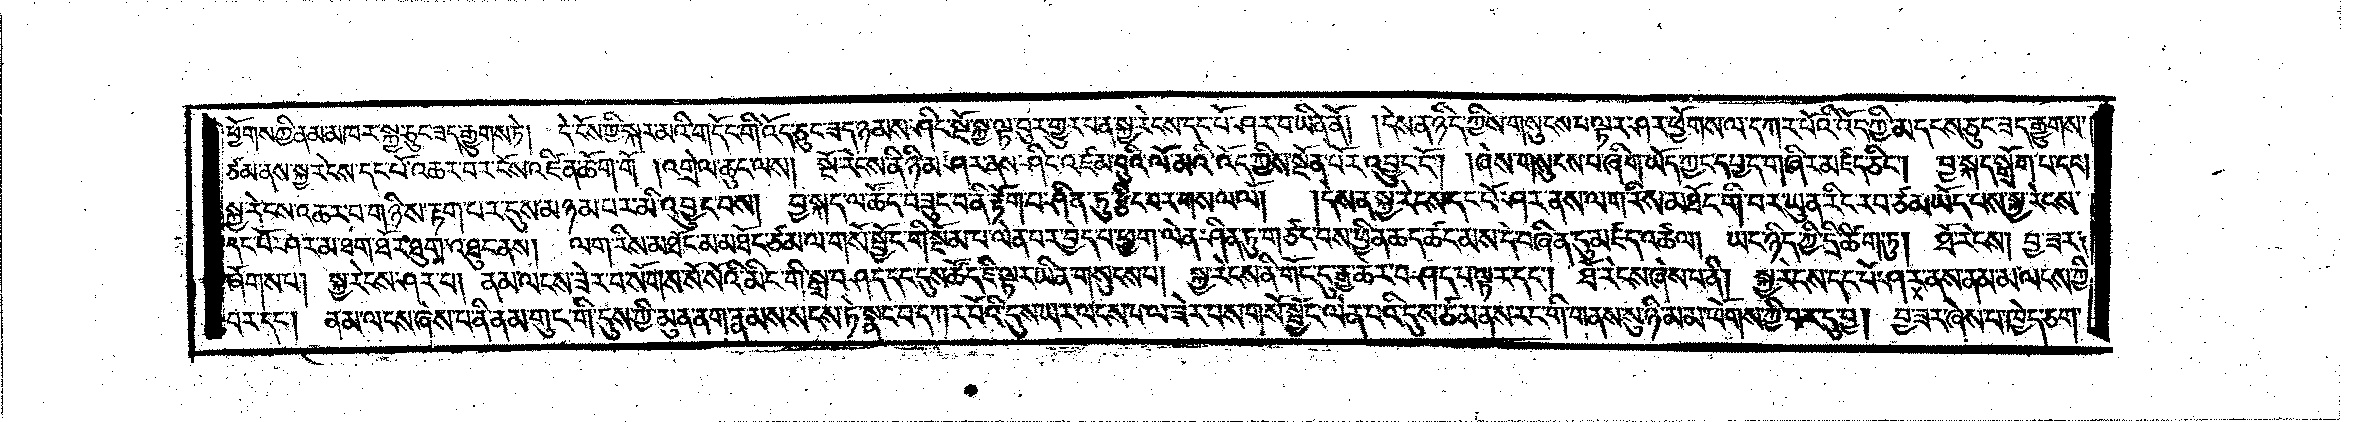ཕྱོགས་ཀྱི་ནམ་མཁར་སྐྱ་ཅུང་ཟད་རྒྱུགས་ཏེ། དེ་ངོས་ཀྱི་སྐར་མའི་གདོང་གི་འོད་ཅུང་ཟད་ཉམས་ཤིང་སྔོ་སྐྱ་ལྟ་བུར་གྱུར་པན་སྐྱ་རེངས་དང་པོ་ཤར་བ་ཡིན་ནོ། །དེས་ན་ཉིད་ཀྱིས་གསུངས་པ་ལྟར་ཤར་ཕྱོགས་ལ་དཀར་པོའི་འོད་ཀྱི་མདངས་ཅུང་ཟད་རྒྱུགས་
ཙམ་ནས་སྐྱ་རེངས་དང་པོ་འཆར་བར་ངོས་འཛིན་ཆོག་གོ །འགྲེལ་ཆུང་ལས། སྔོ་རེངས་ནི་ཉི་མ་ཤར་ནས་ཤིང་འཛམ་བུའི་ལོ་མའི་འོད་ཀྱིས་སྔོན་པོར་འབྱུང་ངོ། །ཞེས་གསུངས་པ་ཞིག་ཡོད་ཀྱང་དཔྱད་གཞིར་མཛད་ཅིང་། བྱ་སྐད་སྒྲོག་པ་དང་།
སྐྱ་རེངས་འཆར་བ་གཉིས་རྟག་པར་དུས་མཉམ་པར་མི་འབྱུང་བས། བྱ་སྐད་ལ་ཚོད་བཟུང་བ་ནི་རྟོག་བ་ཤིན་ཏུ་རྩིང་བར་གསལ་ལོ། །དེས་ན་སྐྱ་རེངས་དང་པོ་ཤར་ནས་ལག་རིས་མཐོང་གི་བར་ཡུན་རིང་རབ་ཙམ་ཡོད་པས་སྐྱ་རེངས་
དང་པོ་ཤར་མ་ཐག་ཐོར་ཐུག་འཐུང་ནས། ལག་རིས་མཐོང་མ་མཐོང་ཙམ་ལ་གསོ་སྦྱོང་གི་སྡོམ་པ་ལེན་བར་བྱེད་པ་ཕྱག་ལེན་ཤིན་ཏུ་གཙང་བས་ཕྱིན་ཆད་ཚང་མས་དེ་བཞིན་དུ་མཛད་འཚལ། ཡང་ཉིད་ཀྱི་དྲི་ཚིག་ཏུ། ཐོ་རེངས། བྱ་ཟར༑
ཞོགས་པ། སྐྱ་རེངས་ཤར་པ། ནམ་ལངས་ཟེར་བ་སོགས་སོ་སོའི་མིང་གི་སྒྲ་བཤད་དང་དུས་ཚོད་ཇི་ལྟར་ཡིན་གསུངས་པ། སྐྱ་རེངས་ནི་གོང་དུ་རྒྱ་ཆེར་བཤད་པ་ལྟར་དང་། ཐོ་རེངས་ཞེས་པ་ནི། སྐྱ་རེངས་དང་པོ་ཤར་ནས་ནམ་མ་ལངས་ཀྱི་
བར་དང་། ནམ་ལངས་ཞེས་པ་ནི་ནམ་གུང་གི་དུས་ཀྱི་མུན་ནག་རྣམས་སངས་ཏེ་སྣང་བ་དཀར་པོའི་དུས་ཡར་ལངས་བ་ལ་ཟེར་བས་གསོ་སྦྱོང་ལེན་བའི་དུས་ཙམ་ནས་རང་གི་གནས་སུ་ཉི་མ་མ་ཕྱོགས་ཀྱི་བར་དུ་བྱ། བྱ་ཟར་ཞེས་པ་ཁྱེད་ཅག་